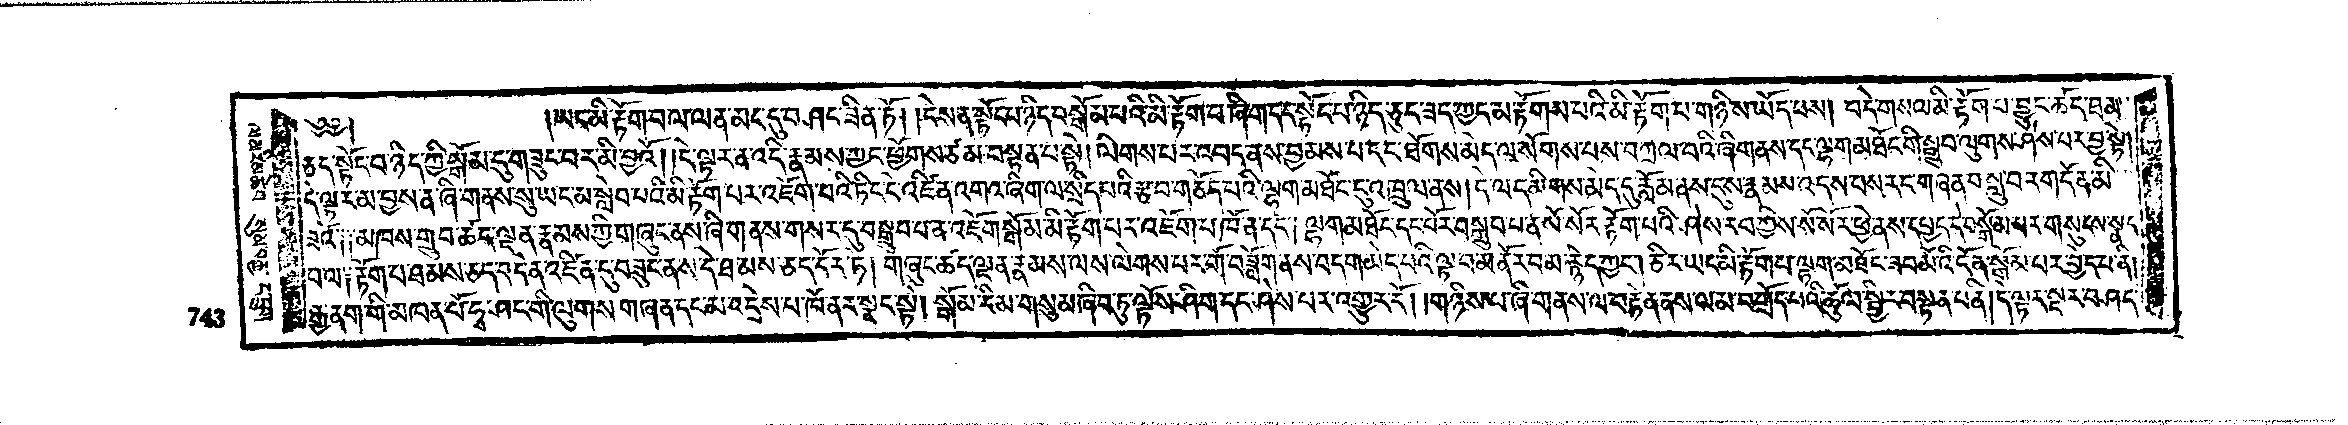༄༅། །ཡང་མི་རྟོག་པ་ལ་ལན་མང་དུ་བཤད་ཟིན་ཏོ། །དེས་ན་སྟོང་པ་ཉིད་བསྒོམ་པའི་མི་རྟོག་པ་ཞིག་དང་སྟོང་པ་ཉིད་ཅུང་ཟད་ཀྱང་མ་རྟོགས་པའི་མི་རྟོག་པ་གཉིས་ཡོད་པས། བདེ་གསལ་མི་རྟོག་པ་བྱུང་ཚད་ཐམས་
ཅད་སྟོང་པ་ཉིད་ཀྱི་སྒོམ་དུ་གཟུང་བར་མི་བྱའོ། །དེ་ལྟར་ན་འདི་རྣམས་ཀྱང་ཕྱོགས་ཙམ་བསྟན་པ་སྟེ། ལེགས་པར་འབད་ནས་བྱམས་པ་དང་ཐོགས་མེད་ལ་སོགས་པས་བཀྲལ་བའི་ཞི་གནས་དང་ལྷག་མཐོང་གི་སྒྲུབ་ལུགས་ཤེས་པར་བྱ་སྟེ།
དེ་ལྟར་མ་བྱས་ན་ཞི་གནས་སུ་ཡང་མ་སླེབ་པའི་མི་རྟོག་པར་འཇོག་པའི་ཏིང་ངེ་འཛིན་འགའ་ཞིག་ལ་སྲིད་པའི་རྩ་བ་གཅོད་པའི་ལྷག་མཐོང་དུ་འཁྲུལ་ནས། དེ་ལ་དམིགས་མེད་དུ་རློམ་ནས་དུས་རྣམས་འདས་པས་རང་གཞན་བསླུ་བར་གདོན་མི་
ཟའོ༑ ༑མཁས་གྲུབ་ཚད་ལྡན་རྣམས་ཀྱི་གཞུང་ནས་ཞི་གནས་གསར་དུ་བསྒྲུབ་པ་ན་འཇོག་སྒོམ་མི་རྟོག་པར་འཇོག་པ་ཁོ་ན་དང་། ལྷག་མཐོང་དང་པོར་བསྒྲུབ་པ་ན་སོ་སོར་རྟོག་པའི་ཤེས་རབ་ཀྱིས་སོ་སོར་ཕྱེ་ནས་དཔྱད་དེ་བསྒོམ་པར་གསུངས་སྣང་
བ་ལ༑ རྟོག་པ་ཐམས་ཅད་བདེན་འཛིན་དུ་བཟུང་ནས་དེ་ཐམས་ཅད་དོར་ཏེ། གཞུང་ཚད་ལྡན་རྣམས་ལས་ལེགས་པར་གོ་བཟློག་ནས་བདག་མེད་པའི་ལྟ་བ་མ་ནོར་བ་མ་རྙེད་ཀྱང་། ཅིར་ཡང་མི་རྟོག་པ་ལྷག་མཐོང་ཟབ་མོའི་དོན་སྒོམ་པར་བྱེད་པ་ནི།
རྒྱ་ནག་གི་མཁན་པོ་ཧྭ་ཤང་གི་ལུགས་གཞན་དང་མ་འདྲེས་པ་ཁོ་ནར་སྣང་སྟེ། སྒོམ་རིམ་གསུམ་ཞིབ་ཏུ་ལྟོས་ཤིག་དང་ཤེས་པར་འགྱུར་རོ། །གཉིས་པ་ཞི་གནས་ལ་བརྟེན་ནས་ལམ་བགྲོད་པའི་ཚུལ་སྤྱིར་བསྟན་པ་ནི། དེ་ལྟར་སྔར་བཤད་